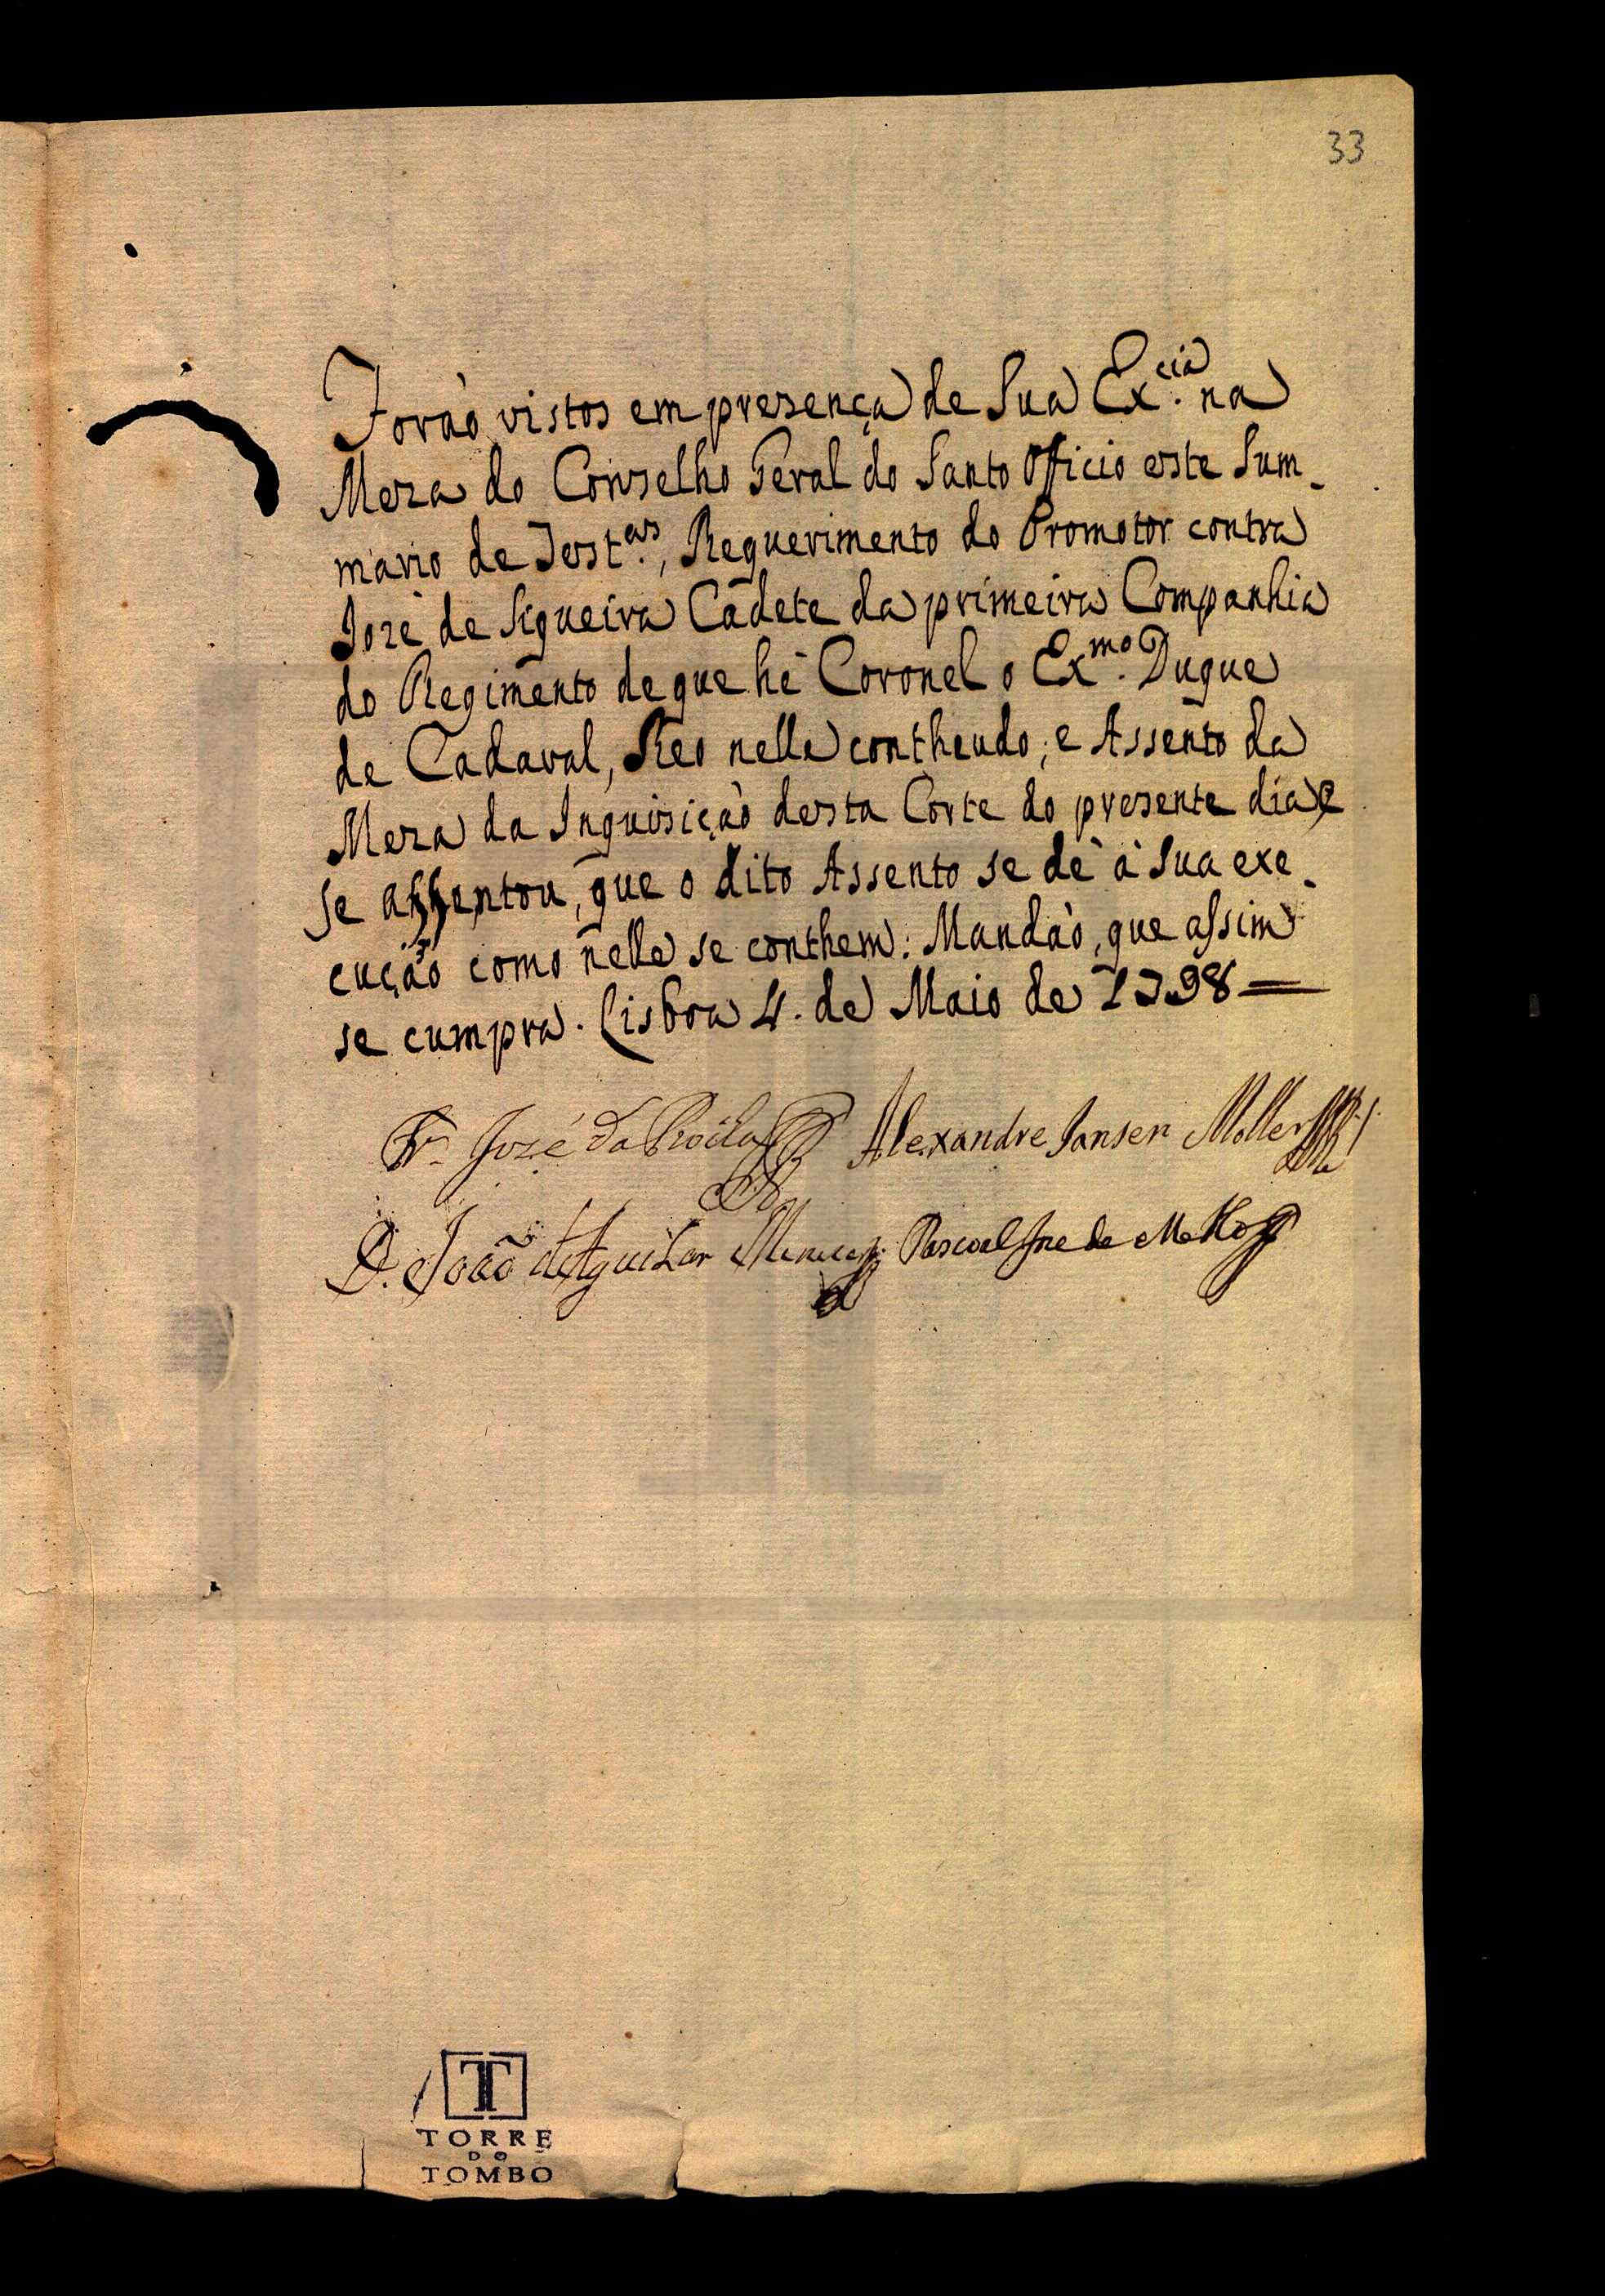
Foraõ vistos em prezença de Sua Ex.cia na
Meza do Conselho Geral do Santo Officio este sum
mario de Test.as, Requerimento do Promotor contra
Iozé de Siqueira Cadete da primeira Companhia
do Regimento de que hé Coronel o Ex.mo Duque
de Cadaval, Reo nelle contheudo; e Assento da
Meza da Inquisição desta Corte do presente dia e
se assentou, que o dito Assento se dè á sua exe
cuçaõ como nelle se conthem: Mandaõ, que assim
se cumpra. Lisboa 4. de Maio de 1798
Fr. Jozé da Rocha Alexandre Iansen Moller
P. Joaõ de AguiLar Menezes Pascoal Joze de Mello
